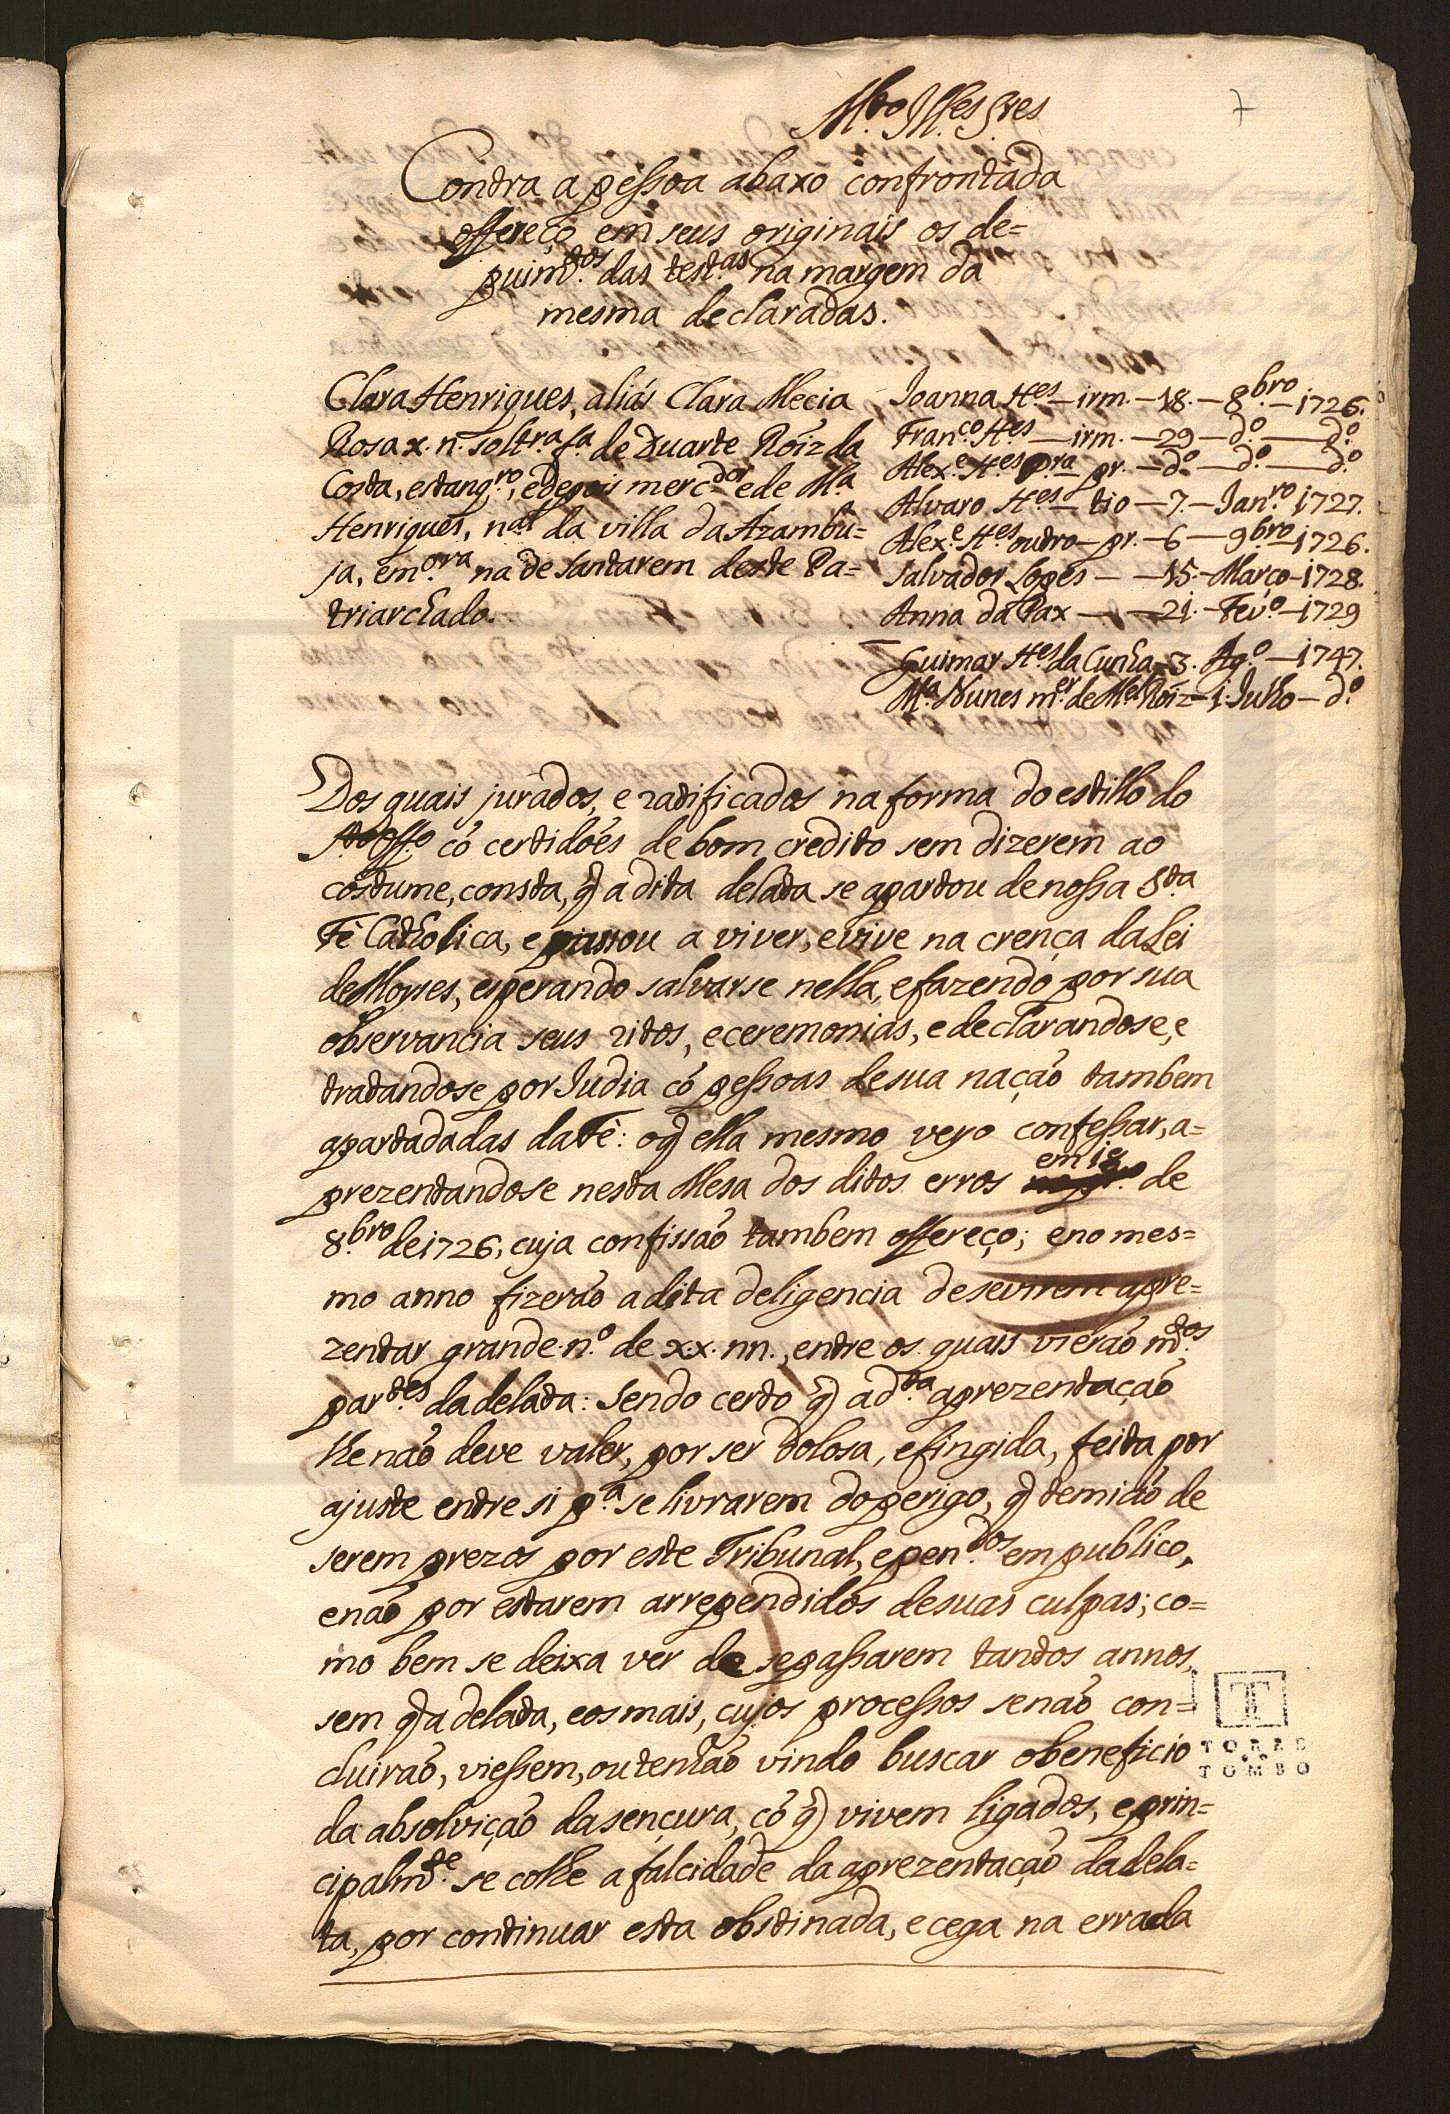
M.to Ill.es S.res
Contra a pessoa abaxo confrontada
offereço em seus originais os de
puim.tos das test.as na margem da
mesma declaradas.
Ioanna H.es - irm. -18. - 8.bro - i726.
Clara Henriques, aliás Clara Mecia
Fran.co H.es - irm. - 29 - d.o - d.o
Rosa x. n. soltr.a f.a de Duarte Roīz da
Alex.e H.es P.ra - pr. -d.o - d.o - d.o
Costa, estanq.ro, e depois merc.dor e de M.a
Alvaro H.es - tio -7. - Ian.ro - i727.
Henriques, na.l da villa da Azambu
Alex.e H.es outro -pr. - 6 - 9bro. - i726.
ja, e m.ora na de Santarem deste Pa
Salvador Lopes - - 15. - Março - i728.
Anna da Pax- - 2i. - Fev.o - i729
triarchado.
Guimar H.es da Cunha - 3. Ag.o - i747.
M.a Nunes m.er de M.el Rōiz - i. Iulho - d.o
Dos quais jurados, e ratificados na forma do estillo do
s.to Off.o cō certidões de bom credito sem dizerem ao
costume, consta, q̄ a dita delata se apartou de nossa S.ta
Fé Catholica, e passou a viver, e vive na crença da Lei
de Moyses, esperando salvarse nella, e fazendo por sua
observancia seus ritos, e ceremonias, e declarandose, e
tratandose por Iudia cō pessoas de sua naçaõ tambem
apartadadas da Fé: o q̄ ella mesmo veyo confessar, a
em i8
prezentando-se nesta Mesa dos ditos erros _ de
8.bro de i726, cuja confissaõ tambem offereço; e no mes
mo anno fizeraõ a dita deligencia de servirem apre
zentar grande n.o de xx. nn. entre os quais vieraõ m.tos
par.tes da delata: sendo certo q̄ a d.ta aprezentaçaõ
lhe naõ deve valer, por ser dolosa, e fingida, feita por
ajuste entre si p.a se livrarem do perigo, q̄ temiaõ de
serem prezos por este Tribunal, e pen.dos em publico,
e naõ por estarem arrependidos de suas culpas; co
mo bem se deixa ver de se passarem tantos annos,
sem q̄ a delata, e os mais, cujos processos se naõ con
cluiraõ, viessem, ou tenhaõ vindo buscar o beneficio
da absolviçaõ da sençura, cō q̄ vivem ligados, e prin
cipalmt.e se colhe a falcidade da aprezentaçaõ da dela
ta, por continuar esta obstinada, e cega na errada
